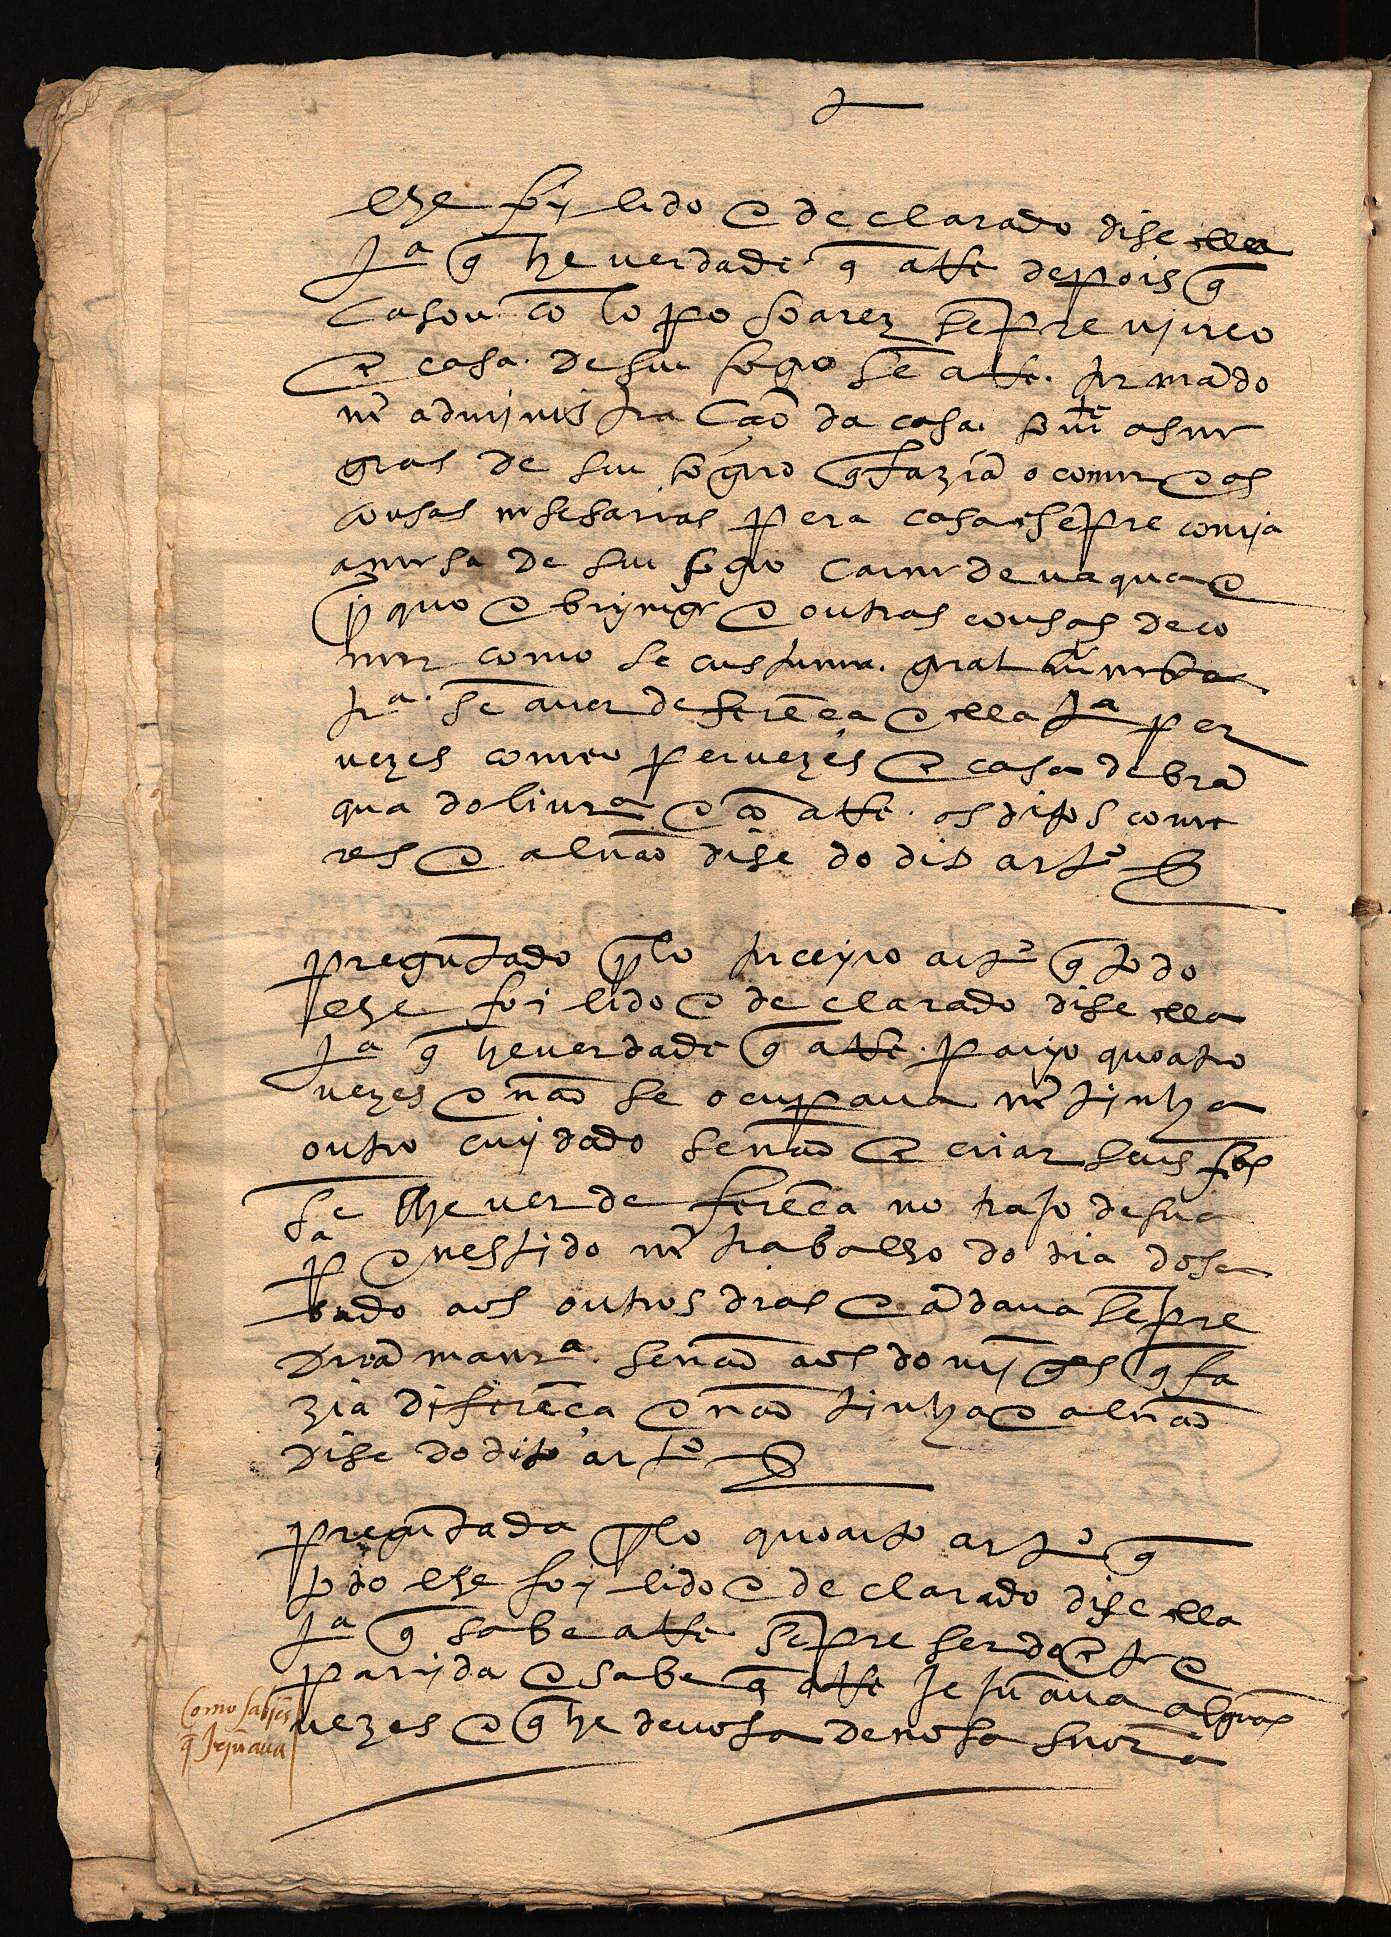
lhe foy lido e declarado dise ella
ta q̄ he uerdade q̄ a Re depois q̄
Casou c̄o lopo soarez s̄epre ujueo
ē casa de seu sogro sē a Re. ter mādo
nē admjnistraÇão da casa somte as ne
gras de seu sogro q̄ faziā o comer e as
cousas nesesarias pera casa e sēpre comja
a mesa de seu sogro carne de uaqua e
p̄oquo e brymge e outras cousas de co
mer como se custuma. geralmte nesta
tra. s̄e auer deferēça e ella ta per
uezes comeo per uezes ē casa de brā
qua doliura e c̄o a Re os ditos come
res e al não dise do dito arto
pregūtado p̄lo terceyro arto q̄ todo
lhe foi lido e declarado dise ella
ta q̄ he uerdade q̄ a Re. paryo quoatro
uezes e não se ocupaua nē tjnha
outro cuydado senão ē criar seus fos
s̄e lhe uer deferēça no traJo de sua
pa e uestido nē trabalho do dia do sa
bado aos outros dias e ādaua s̄epre
Duā manra senão aos domj̄gos q̄ fa
zia diferēça e não tinha e al não
dise do dito arto
pregūtada p̄lo quoarto arto q̄
todo lhe foy lido e declarado dise ella
ta q̄ sabe a Re s̄epre ser doēte e
paryda e sabe q̄ a Re JeJūaua algūas
uezes e q̄ he deuota de nosa snor̄a
